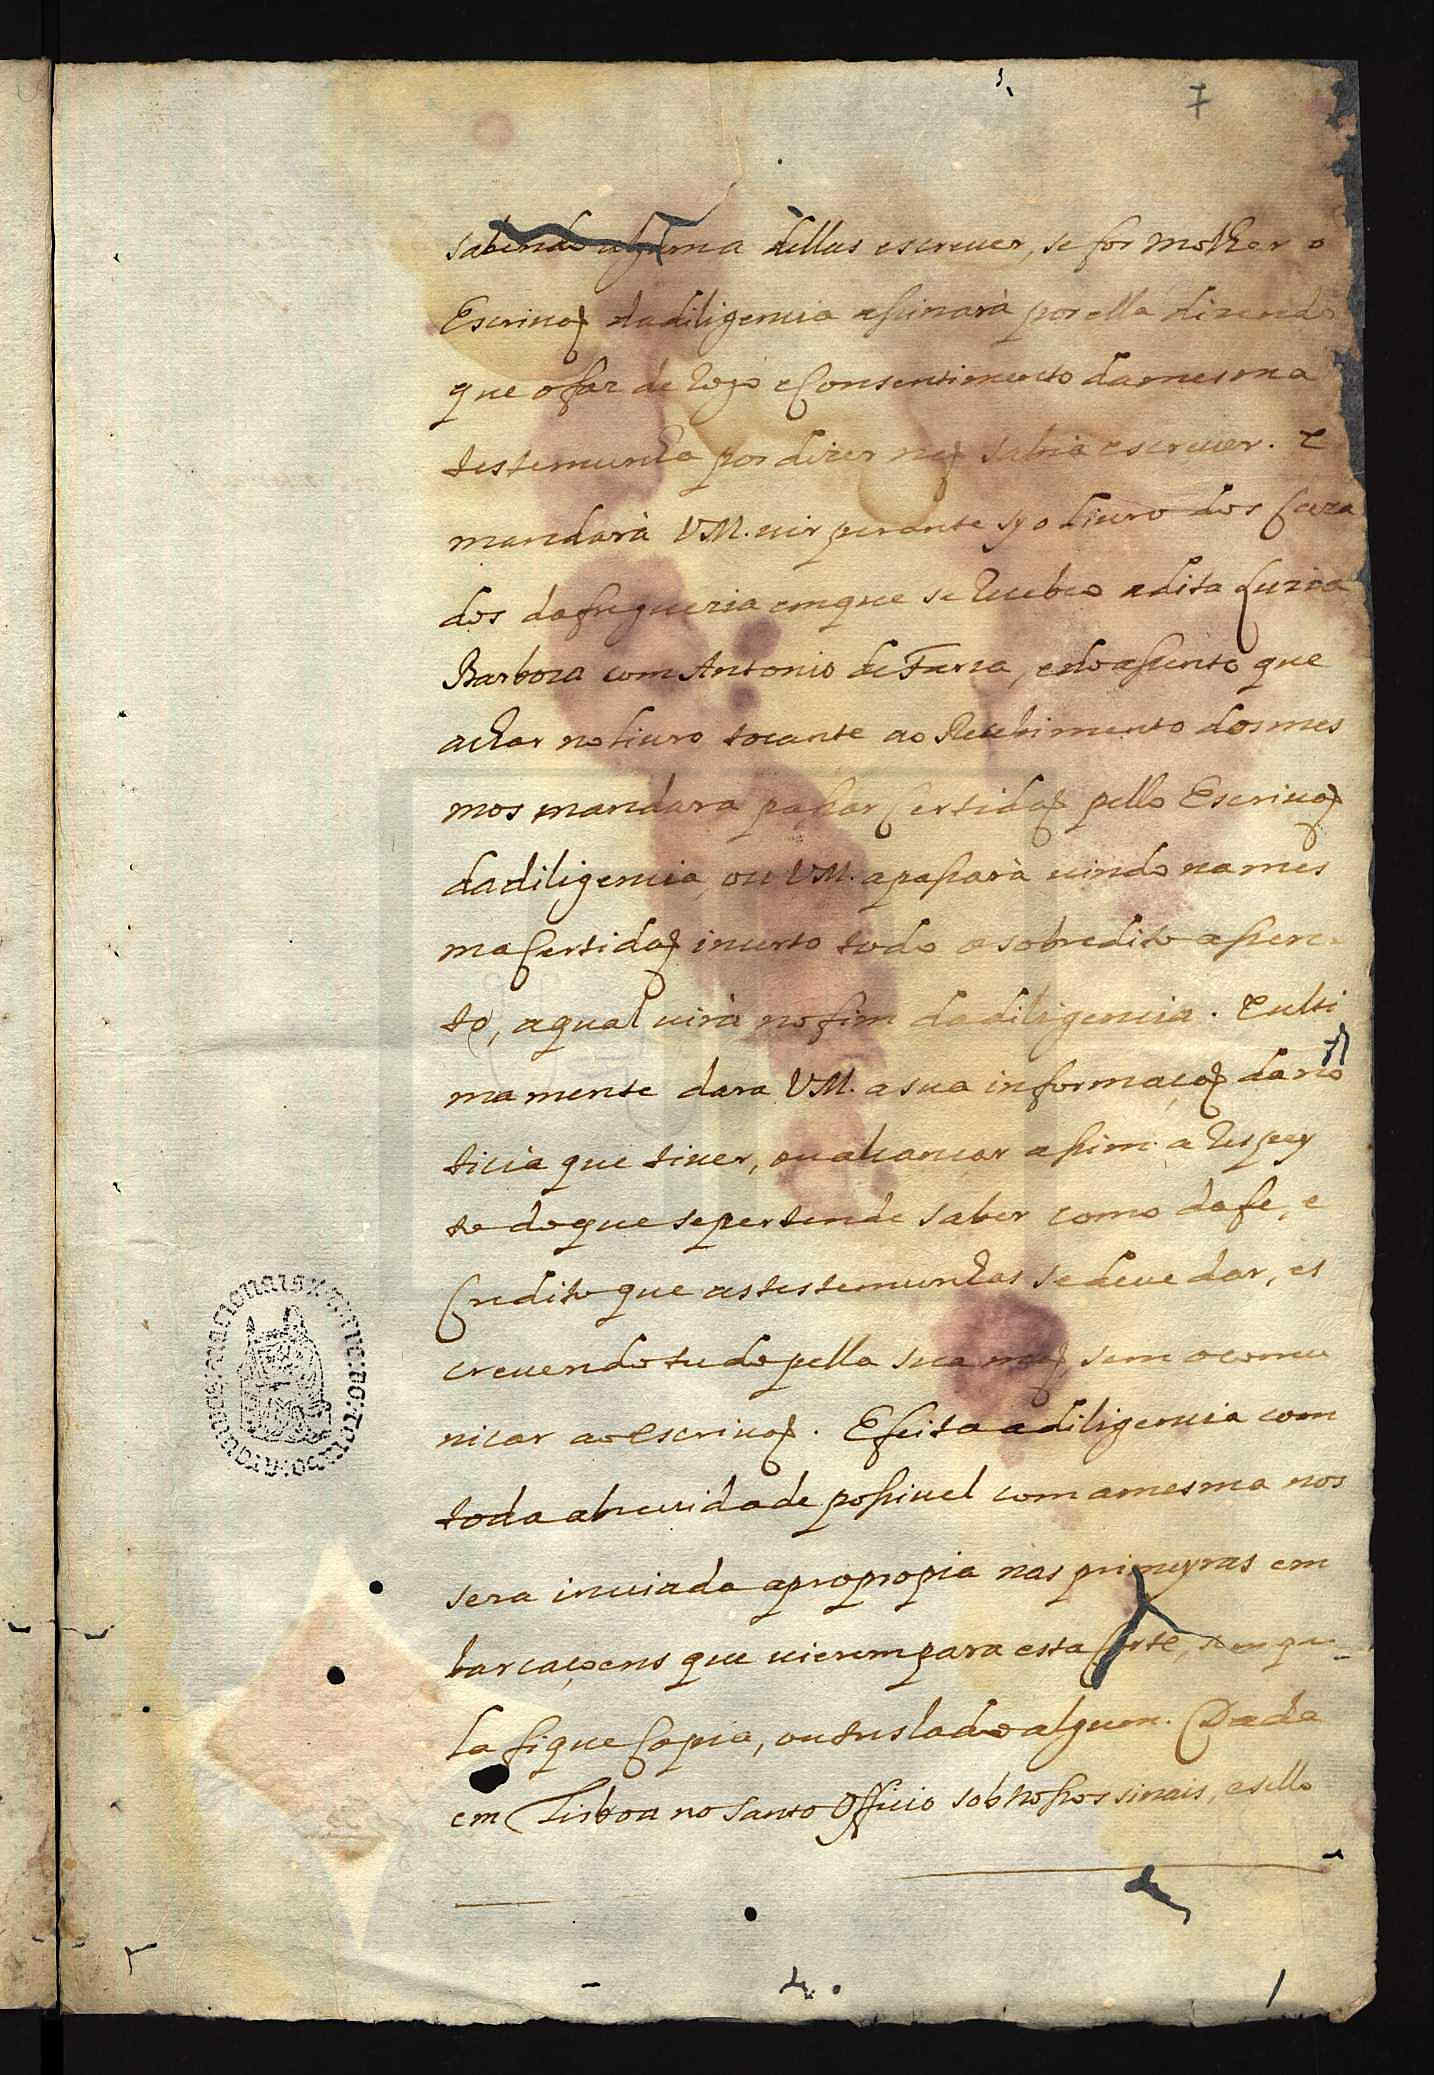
sabendo alguma dellas escreuer, se fot molher o
Escriuaõ da diligencia assinarà por ella dizendo
que o faz de Rogo e Consentimento da mesma
testemunha por dizer naõ sabia escreuer. E
mandarà VM. uir perante sy o Liuro dos Caza
dos da freguezia em que se Recebeo a dita Luzia
Barboza com Antonio de Faria, e do assento que
achar no liuro tocante ao Recebimento dos mes
mos mandara passar Certidaõ pello Escriuaõ
da diligencia, ou VM. a passarà uindo na mes
ma Certidaõ incerto todo o sobredito assen
to, a qual uirà no fim da diligencia. E ulti
mamente dara VM. a sua informaçaõ da no
ticia que tiuer, ou alcançar assim a Respey
to do que se pertende saber como da fe, e
Credito que as testemunhas se deue dar, es
creuendo tudo pella sua maõ, sem o comu
nicar ao escriuaõ. E feita a diligencia com
toda a breuidade possiuel com a mesma nos
sera inuiada a propropia nas primeyras em
barcaçoens que uierem para esta C rte, sem que
la fique Copia, ou treslado algum. Dada
em Lisboa no santo Officio sob nossos sinais, e sello
